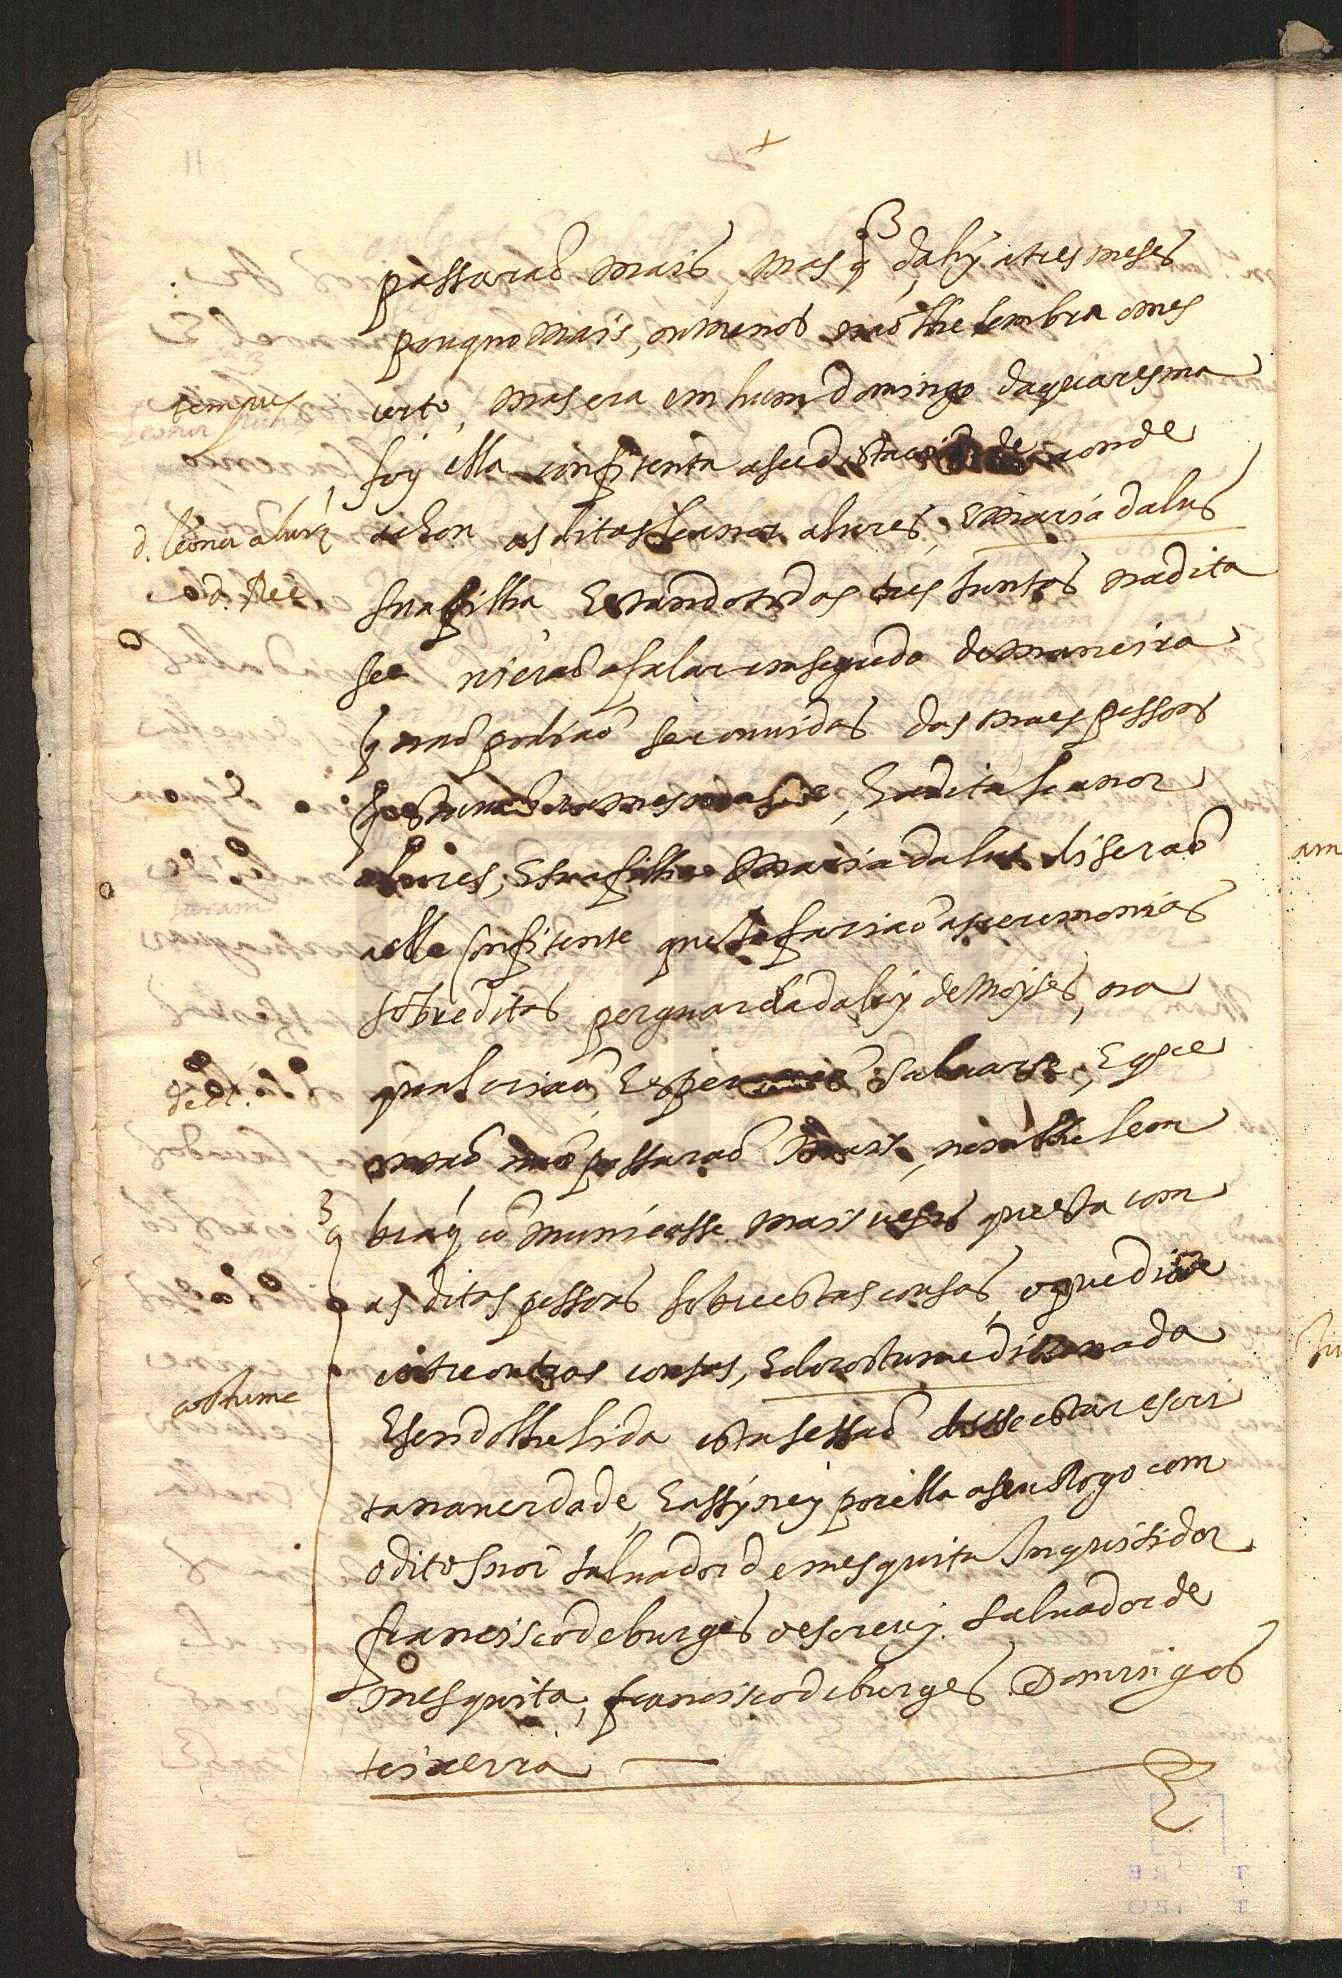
passaraõ mais, mas q̄ dahy a tres meses
pouquo mais, ou menos naõ lhe lembra o mes
certo, mas era em hum domingo da quaresma
foy ella confitenta a see desta ci__de aonde
achou as ditas Leanor alures, E maria da lus
sua filha E estando todas tres Juntas na dita
see uieraõ a falar em segredo de maneira
q̄ o nõ podraõ ser ouuidas das maes pessoas
q̄ estauaõ na mesma _e, E a dita Leanor
alures, E sua filha Maria da lus diseraõ
a ella Confitente que la faziaõ as ceremonias
sobreditas per guarda da ley de Moyses, na
qual criaõ, E esper___ saluarse, E que
_ntaõ naõ passaraõ mais, nem lhe lem
bra q̄ cõmunicasse mais ueses que esta com
as ditas pessoas sobre estas cousas, o que disse
entre outras cousas, E do costume di__nada
E sendolhe lida esta sessaõ disse estar escri
ta na uerdade, E assyney por ella a seo Rogo com
o dito snor̄ saluador de mesquita Inquisidor
francisco de burges o escreuy. saluador de
mesquita, francisco de burges. Domingos
teixeira
